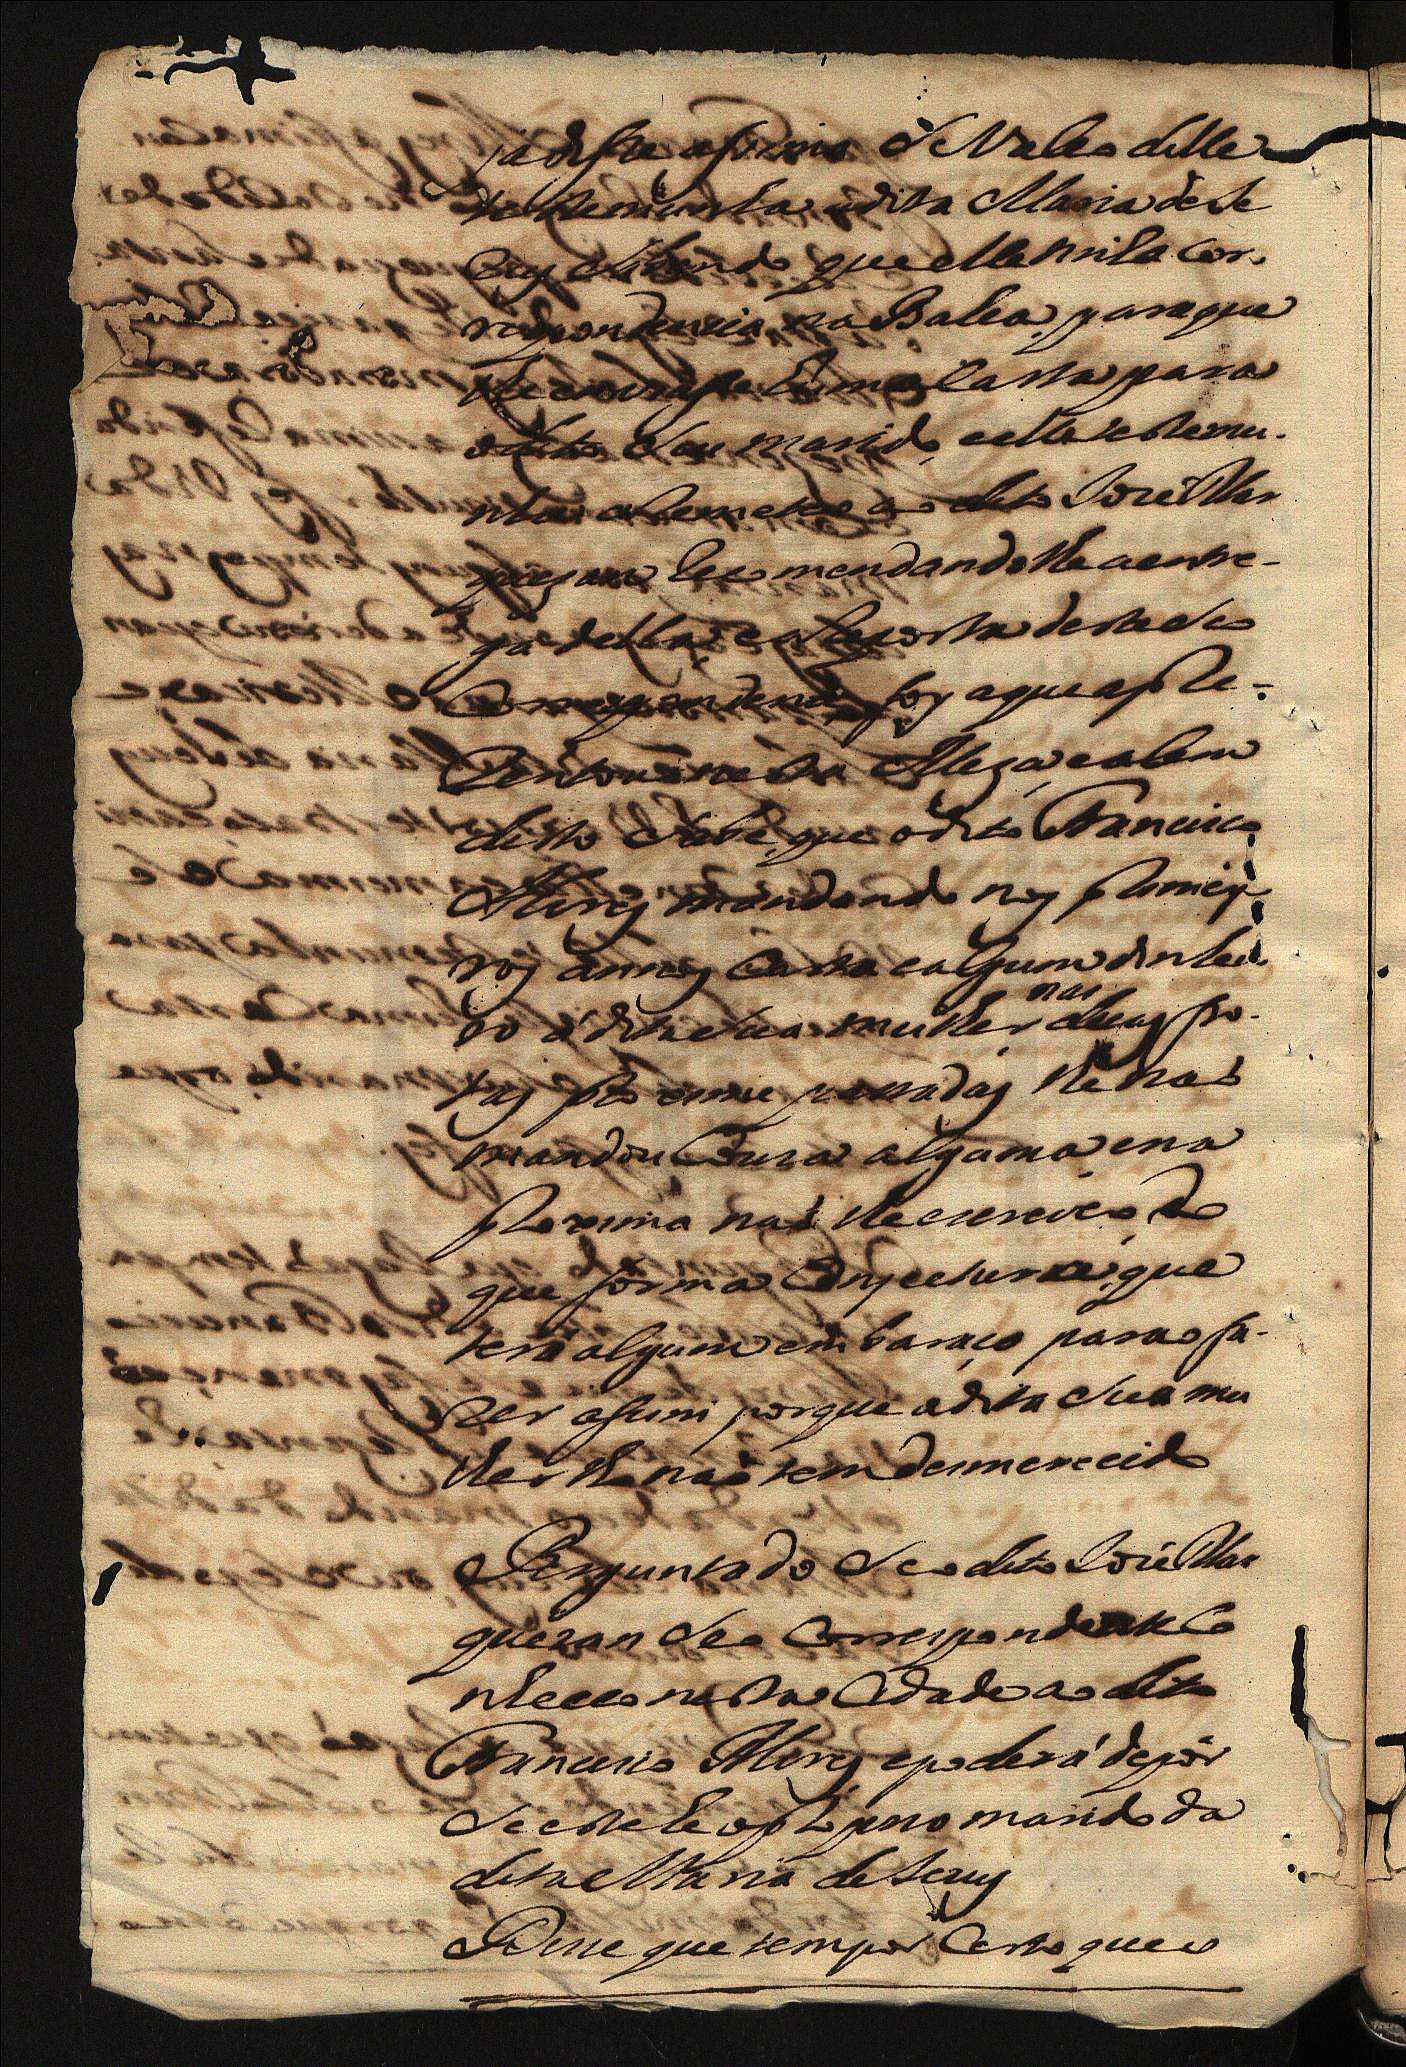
ja disse assima Se Valeo delle
testemunha a dita Maria de Ie
zus Sabendo que elle tinha cor
respondencia na Bahia, para que
lhe enviasse huma Carta para
o dito Seu marido, e elle testemu
nha a Remeteo ao dito Ioze Mar
quezam Recomendandolhe a entre
ga della e a Reposta deste seo
Correspondente foy a que apre
zentou nesta Meza, e alem
disto Sabe, que o dito Francisco
Alvres mandando nos primey
ros annos carta e algum dinhei
nas
ro a dita sua mulher duas fro
tas proxime passadas lhe naõ
mandou Couza alguma e na
proxima naõ lhe escreveo, do
que forma conjectura, que
tera algum embaraço para o fa
zer assim porque a dita Sua mu
lher lhe naõ tem desmerecido
Perguntado Se o dito Iozé Mar
quezan Seo Correspondente Co
nheceo nesta Cidade ao dito
Francisco Alvres e poderá depor
Se este he o proprio marido da
dita Maria de Iezus
Desse que tem por Certo que o
